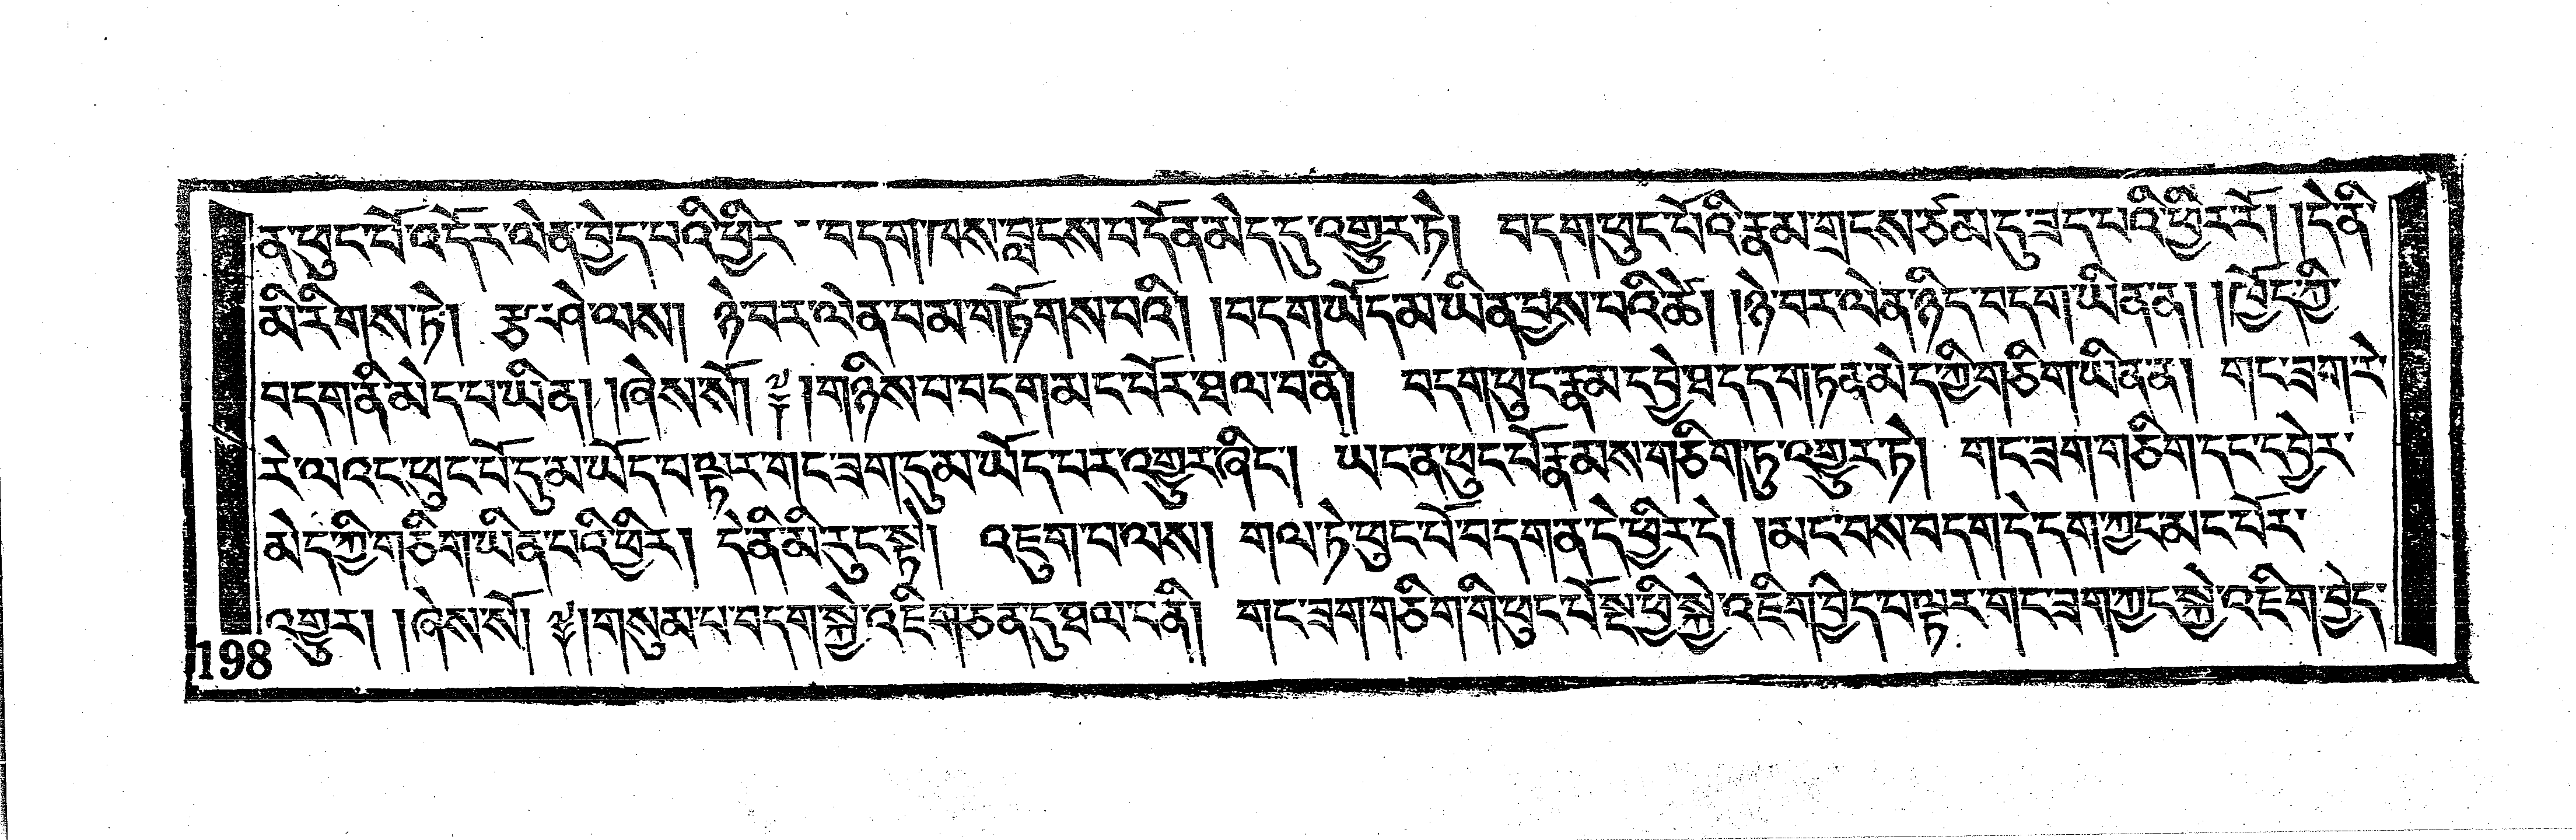ན་ཕུང་པོ་འདོར་ལེན་བྱེད་པའི་ཕྱིར་བདག་ཁས་བླངས་པ་དོན་མེད་དུ་འགྱུར་ཏེ། བདག་ཕུང་པོའི་རྣམ་གྲངས་ཙམ་དུ་ཟད་པའི་ཕྱིར་རོ། །དེ་ནི་
མི་རིགས་ཏེ། རྩ་ཤེ་ལས། ཉེ་བར་ལེན་པ་མ་གཏོགས་པའི། །བདག་ཡོད་མ་ཡིན་བྱས་པའི་ཚེ། །ཉེ་བར་ལེན་ཉིད་བདག་ཡིན་ན། །ཁྱོད་ཀྱི་
བདག་ནི་མེད་པ་ཡིན། །ཞེས་སོ། ༈ །གཉིས་པ་བདག་མང་པོར་ཐལ་བ་ནི། བདག་ཕུང་རྣམ་དབྱེ་ཐ་དད་གཏན་མེད་ཀྱི་གཅིག་ཡིན་ན། གང་ཟག་རེ་
རེ་ལའང་ཕུང་པོ་དུ་མ་ཡོད་པ་ལྟར་གང་ཟག་དུ་མ་ཡོད་པར་འགྱུར་ཞིང་། ཡང་ན་ཕུང་པོ་རྣམས་གཅིག་ཏུ་འགྱུར་ཏེ། གང་ཟག་གཅིག་དང་དབྱེར་
མེད་ཀྱི་གཅིག་ཡིན་པའི་ཕྱིར། དེ་ནི་མི་རུང་སྟེ། འཇུག་པ་ལས། གལ་ཏེ་ཕུང་པོ་བདག་ན་དེ་ཕྱིར་དེ། །མང་བས་བདག་དེ་དག་ཀྱང་མང་པོར་
འགྱུར། །ཞེས་སོ། ༈ །གསུམ་པ་བདག་སྐྱེ་འཇིག་ཅན་དུ་ཐལ་བ་ནི། གང་ཟག་གཅིག་གི་ཕུང་པོ་སྔ་ཕྱི་སྐྱེ་འཇིག་བྱེད་པ་ལྟར་གང་ཟག་ཀྱང་སྐྱེ་འཇིག་བྱེད་